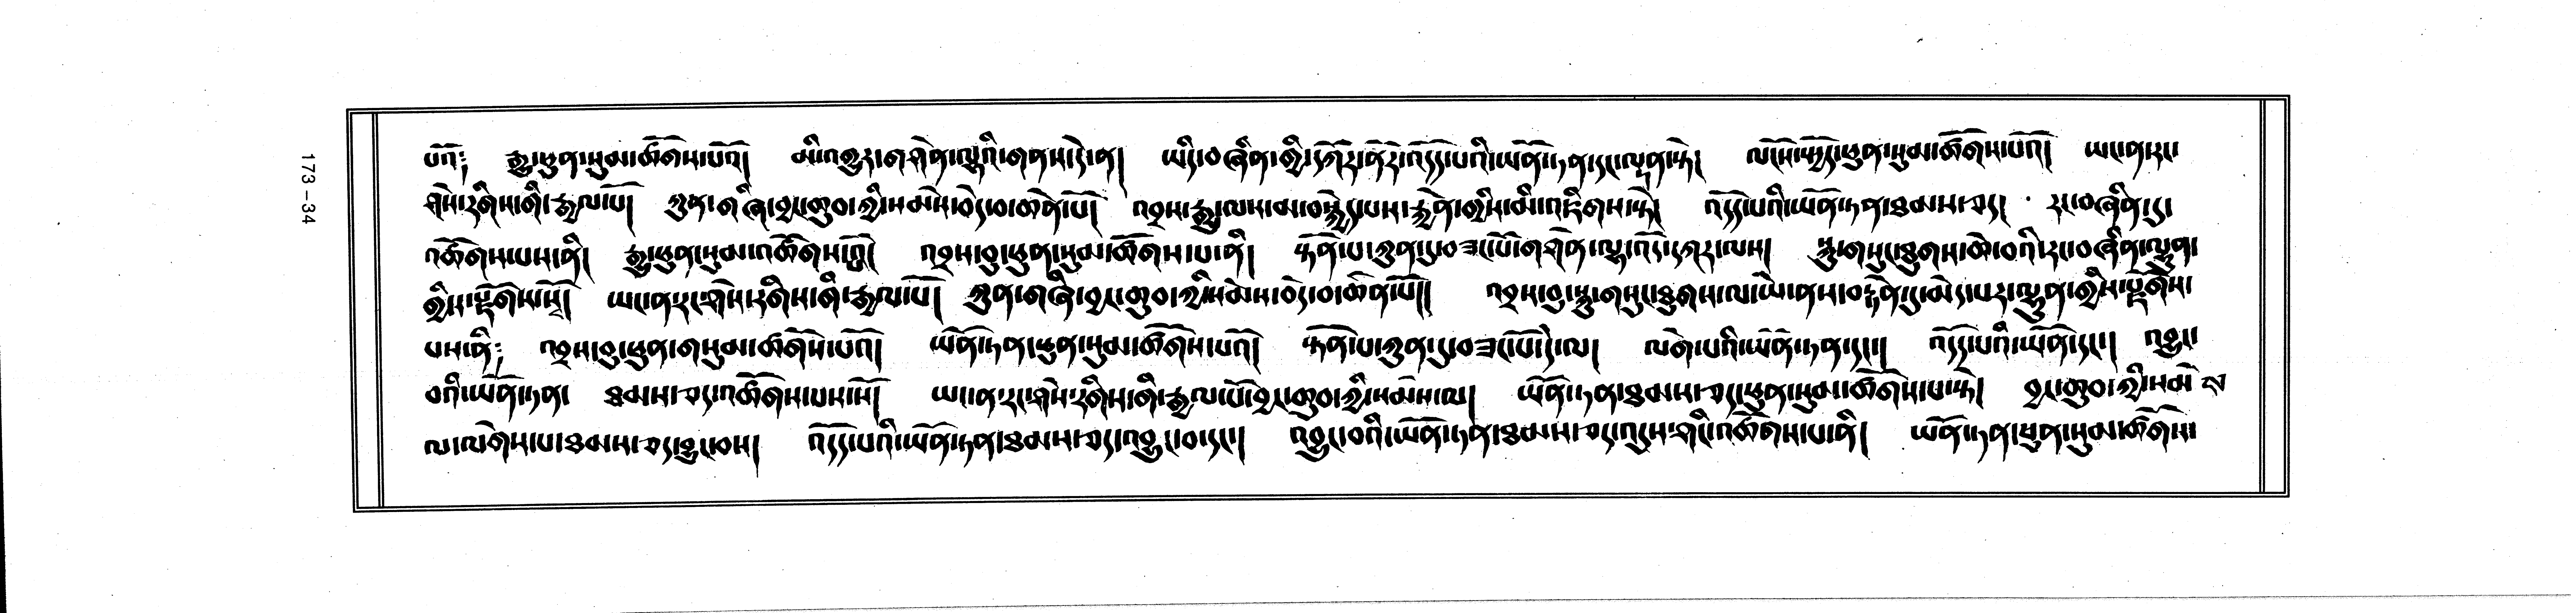པའོ། །རྒྱུ་ཕུན་སུམ་ཚོགས་པ་ནི། མི་འགྱུར་གཤེན་ལྷའི་གནས་དེ་ན། ཡིད་བཞིན་གྱི་དཀོར་ནོར་འདོད་པའི་ཡོན་ཏན་དང་ལྡན་ཏེ། ལོངས་སྤྱོད་ཕུན་སུམ་ཚོགས་པའོ། །ཡང་ན་རང་
ཤེས་རིག་གི་རྒྱལ་པོ་ཀུན་གཞི་བྱང་ཆུབ་ཀྱི་སེམས་བདེ་བ་ཆེན་པོ། འབྲས་རྒྱུ་ལས་མ་བསྐྱེད་པའི་རྐྱེན་གྱིས་མི་འཇིག་སྟེ། འདོད་པའི་ཡོན་ཏན་ཐམས་ཅད། རང་བཞིན་དུ་
འཚོགས་པས་ནི། རྒྱུ་ཕུན་སུམ་ཚོགས་པའོ། །འབྲས་བུ་ཕུན་སུམ་ཚོགས་པ་ནི། སྟོན་པ་ཀུན་ཏུ་བཟང་པོ་གཤེན་ལྷ་འོད་དཀར་ལས། སྐུ་གསུང་ཐུགས་ཆེ་བའི་རང་བཞིན་ལྷུན་
གྱིས་རྫོགས་སོ། །ཡང་ན་རང་ཤེས་རིག་གི་རྒྱལ་པོ་ཀུན་གཞི་བྱང་ཆུབ་ཀྱི་སེམས་བདེ་བ་ཆེན་པོ། འབྲས་བུ་སྐུ་གསུང་ཐུགས་ལ་ཡེ་ནས་བརྟེན་དུ་མེད་པར་ལྷུན་གྱིས་རྫོགས་
པས་ནི། འབྲས་བུ་ཕུན་སུམ་ཚོགས་པའོ། །ཡོན་ཏན་ཕུན་སུམ་ཚོགས་པའོ། །སྟོན་པ་ཀུན་ཏུ་བཟང་པོ་དེ་ལ། ལེགས་པའི་ཡོན་ཏན་དང་། འདོད་པའི་ཡོན་ཏན་དང་། འབྱུང་
བའི་ཡོན་ཏན་ཐམས་ཅད་འཚོགས་པས་སོ། །ཡང་ན་རང་ཤེས་རིག་གི་རྒྱལ་པོ་བྱང་ཆུབ་སེམས་ལ། ཡོན་ཏན་ཐམས་ཅད་ཕུན་སུམ་ཚོགས་པ་སྟེ། བྱང་ཆུབ་ཀྱི་སེམས་
ལ་ལེགས་པ་ཐམས་ཅད་བྱུང་བས། འདོད་པའི་ཡོན་ཏན་ཐམས་ཅད་འབྱུང་བ་དང་། འབྱུང་བའི་ཡོན་ཏན་ཐམས་ཅད་འདུས་ཤིང་འཚོགས་པ་ནི། ཡོན་ཏན་ཕུན་སུམ་ཚོགས་